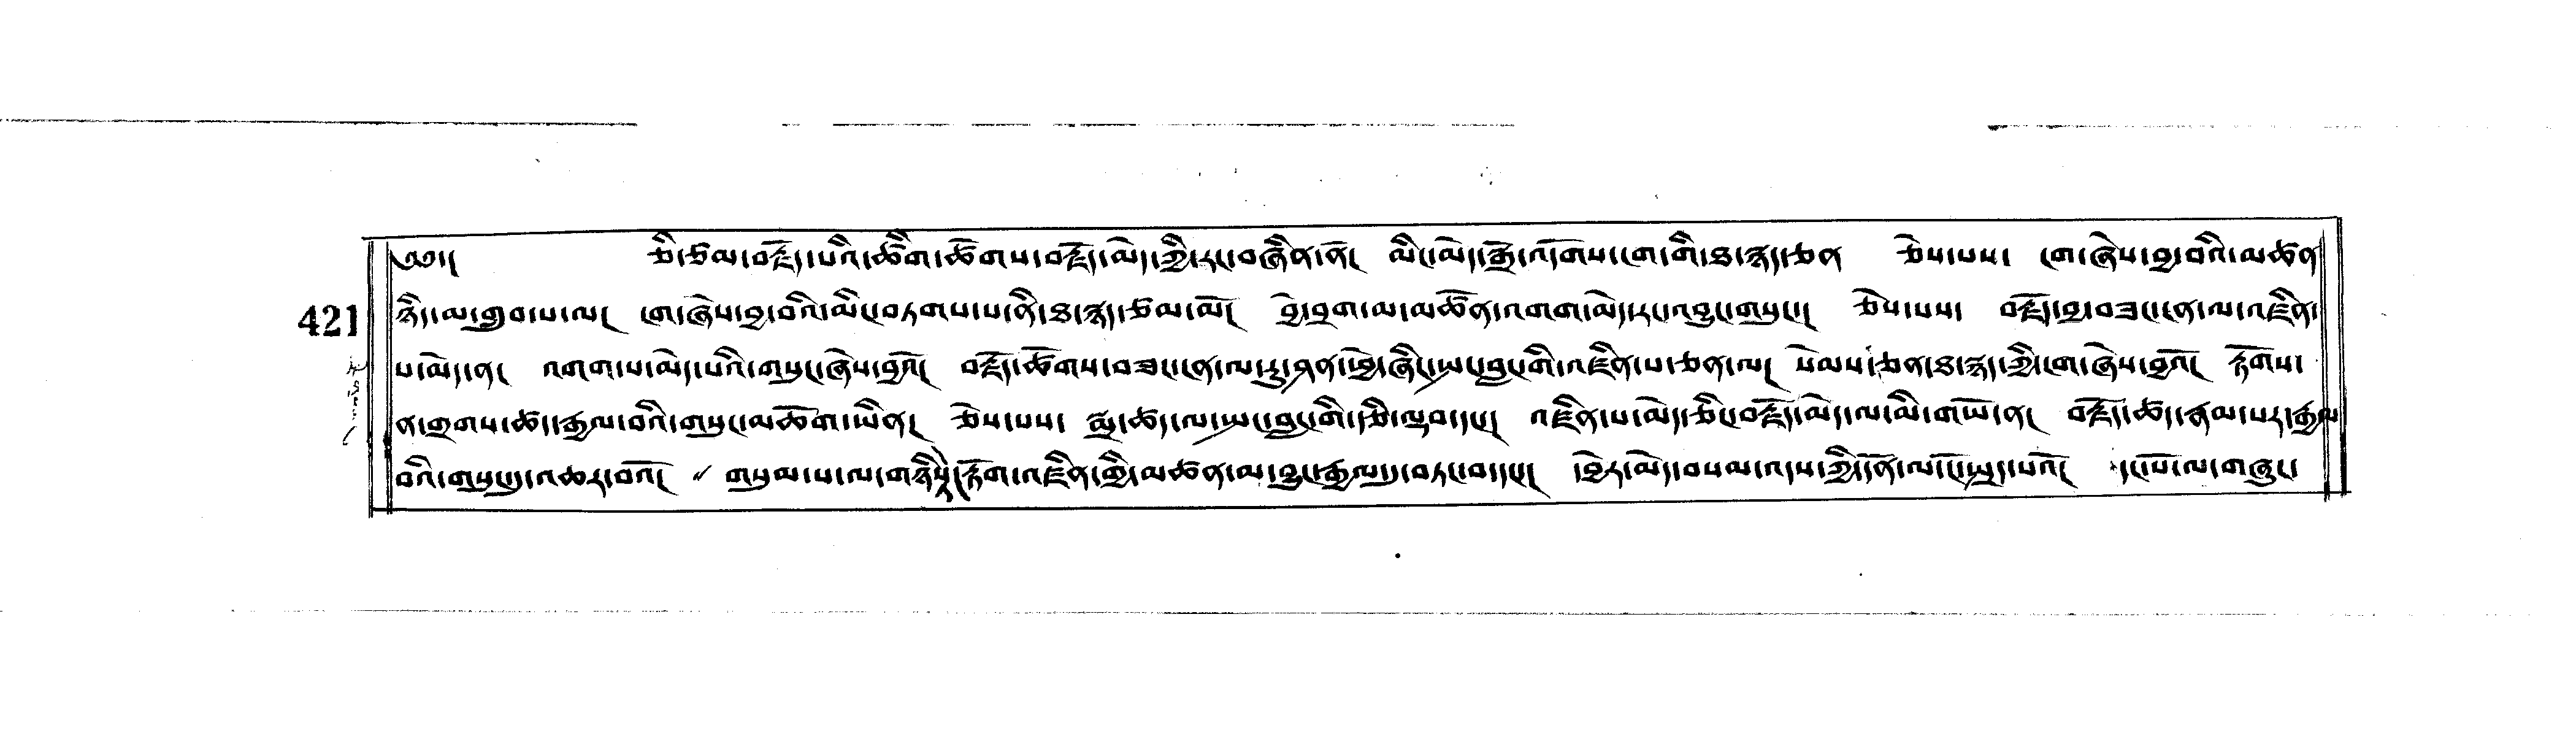ཅི་ཙམ་བརྗོད་པའི་ཚིག་ཚོགས་བརྗོད་མེད་ཀྱི་རང་བཞིན་ནོ། མིང་མེད་སྒྲོ་འདོགས་ངག་གི་ཐ་སྙད་ཅན། ཞེས་པས། ངག་ཅེས་བྱ་བའི་མཚན་
ཉིད་མ་གྲུབ་པ་ལ། ངག་ཞེས་བྱ་བའི་མིང་བཏགས་པ་ཙམ་ནི་ཐ་སྙད་ཙམ་མོ། བྱེ་བྲག་མ་མཚོན་འགག་མེད་རང་འབྱུང་གསུང་། ཅེས་པས། བརྗོད་བྱ་བཟང་ངན་ལ་འཛིན་
པ་མེད་ན། འགག་པ་མེད་པའི་གསུང་ཞེས་བྱའོ། བརྗོད་ཚོགས་བཟང་ངན་ལ་རུ་ཤན་ཕྱེ་ཞིང་སྤང་བླང་གི་འཛིན་པ་ཅན་ལ། སེམས་ཅན་ཐ་སྙད་ཀྱི་ངག་ཞེས་བྱའོ། རྟོགས་
ན་གྲགས་ཚད་རྒྱལ་བའི་གསུང་མཆོག་ཡིན། ཅེས་པས། སྨྲ་ཚད་ལ་སྤང་བླང་གི་རྩི་ལྡབ་དང་། འཛིན་པ་མེད་ཅིང་བརྗོད་མེད་ལ་མི་གཡོ་ན། བརྗོད་ཚད་རྣམ་པར་རྒྱལ་
བའི་གསུང་དུ་འཆར་བའོ། གསུམ་པ་ལ་གཉིས་ཏེ། རྟོག་འཛིན་གྱི་མཚན་མ་ལ་བྱུང་རྒྱལ་དུ་བཏང་བ་དང་། དབྱེར་མེད་བསམ་འདས་ཀྱི་དོན་ལ་ངོ་སྤྲད་པའོ། དང་པོ་ལ་གཞུང་